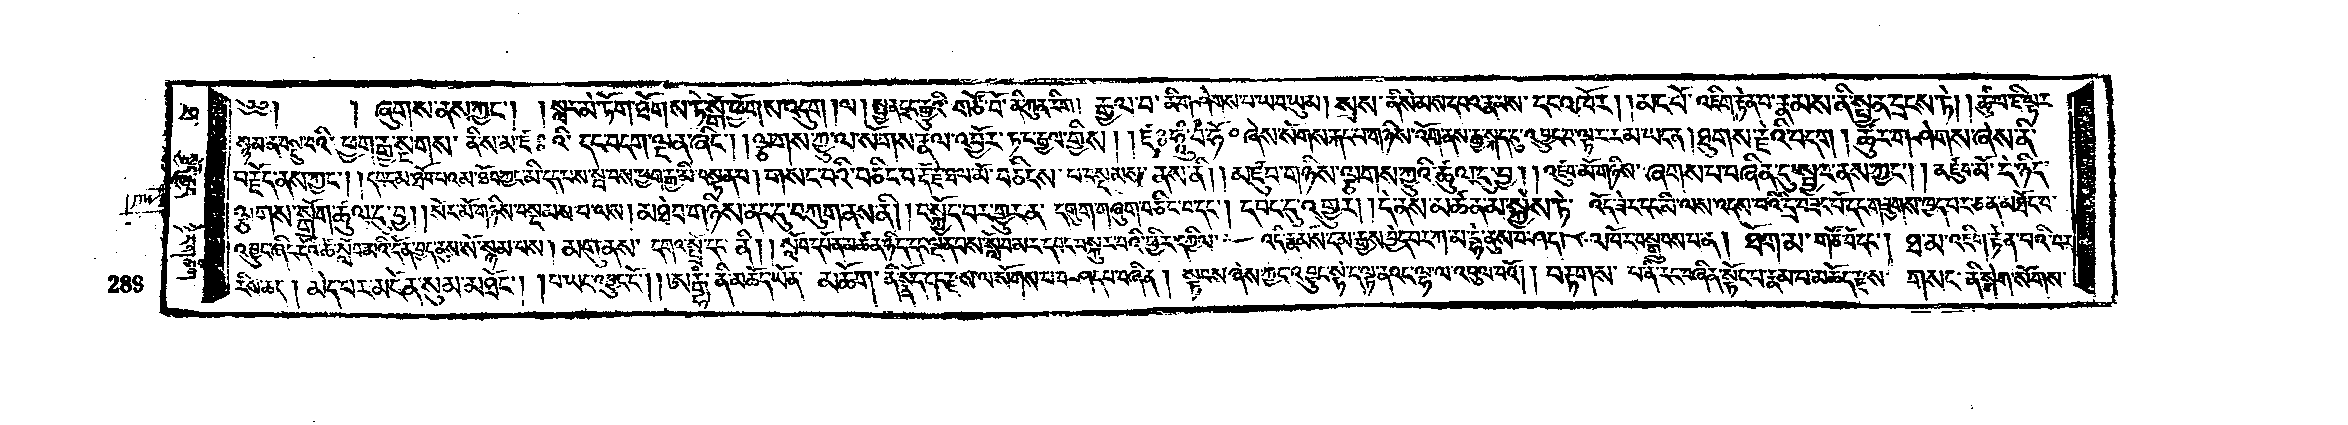༄༅། །ཞུགས་ནས་ཀྱང་། །སླར་མེ་ཏོག་ཐོགས་ཏེ་སྒོ་ཕྱོགས་འདུག ། ལ། སྤྱན་དྲང་རྒྱུའི་གཙོ་བོ་ནི་ཀུན་རིག ། རྒྱལ་བ་ནི་གཤེགས་པ་ཡབ་ཡུམ།  སྲས་ནི་སེམས་དཔའ་རྣམས་དང་འཁོར། །མང་པོ་འཇིག་རྟེན་པ་རྣམས་ནི་སྤྱན་དྲངས་ཏེ། །ཚུལ་ཇི་ལྟར་
སྙམ་ན་བསྡུ་བའི་ཕྱག་རྒྱ་སྔགས་ནི་ས་མ་ཛཿ འི་དང་བདག་ལྡན་ཞིང་། །ལྕགས་ཀྱུ་ལ་སོགས་རྣལ་འབྱོར་ཏ་ང་རྒྱལ་གྱིས། །ཛཿ ཧཱུཾ་བཾ་ཧོཿ ཞེས་སོགས་རྐང་པ་གཉིས་འོག་ནས་རྒྱ་སྐད་དུ་འབྱུང་བ་ལྟར་རམ་ཡང་ན།  ཐུགས་རྗེའི་བདག །ཚུར་གཤེགས་ཞེས་ནི་
བརྗོད་ནས་ཀྱང་། །དབང་མ་ཐོབ་པའམ་ཐོབ་ཀྱང་མི་དད་པས་སྦ་བས་ཕྱག་རྒྱ་མི་བསྟན་པ།  གསང་བའི་བཅིང་བ་རྡོ་རྗེ་ཐལ་མོ་བཅིངས་པ་བསྡམས་ནས་ནི། །མཛུབ་གཉིས་ལྕགས་ཀྱུའི་ཚུལ་དུ་བྱ། །འཛུབ་མོ་གཉིས་ཞགས་པ་བཞིན་དུ་སྦྱར་ནས་ཀྱང་། །མཛུབ་མོ་དེ་ཉིད་
ལྕགས་སྒྲོག་ཚུལ་དུ་བྱ། །སོར་མོ་གཉིས་བསྡམས་པ་ལས།  མཐེབ་གཉིས་ནང་དུ་བཀུག་ནས་ནི། །བསྐྱོད་པར་གྱུར་ན་དགུག་གཞུག་བཅིང་བ་དང་།  དབང་དུ་འགྱུར། །དེ་ནས་མཚན་མ་སྐྱེས་ཏེ་འོད་ཟེར་དང་མི་ལས་འདས་པའི་དྲི་བཟང་པོ་དང་གཟུགས་ཁྱད་པར་ཅན་མཐོང་བ་
འབྱུང་ཞིང་དེའི་ཚེ་སློབ་མའི་དོན་བྱད་ནུས་སོ་སྙམ་པས། མགུ་ནས་དགའ་སྤྲོ་དང་ནི། །སློབ་དཔོན་མཚན་ཉིད་དང་ལྡན་པས་སློབ་མར་དབང་བསྐུར་བའི་ཕྱིར་དཀྱིལ་འདི་རྣམས་དམ་རྒྱས་བྱེད་པར་ཀ་མ་དྷེ་ནུས་བཤད། འཁོར་བསྒྲུབས་པ་ན།  ཐོག་མ་གཙོ་བོ་དང་།  ཐ་མ་འཇིག་རྟེན་པའི་བར་
རིས་ཆད། མེད་པར་མངོན་སུམ་མཐོང་། །བ་ཡང་འབྱུང་ངོ།  །ཨརྒྷཾ་ནི་མཆོད་ཡོན་མཆོག་ནི་སྣོད་དང་རྫས་ལ་སོགས་པ་བཤད་པ་བཞིན། སྟབས་ཞེས་ཀྱང་འབྱུང་སྟེ་དེ་ལྟ་ནའང་ལྷ་ལ་འབུལ་བའོ།  །བརྟགས་པ་ནི་རང་བཞིན་སྟོང་པ་རྣམ་པ་མཆོད་རྫས་གསང་ནི་སྒེག་སོགས་